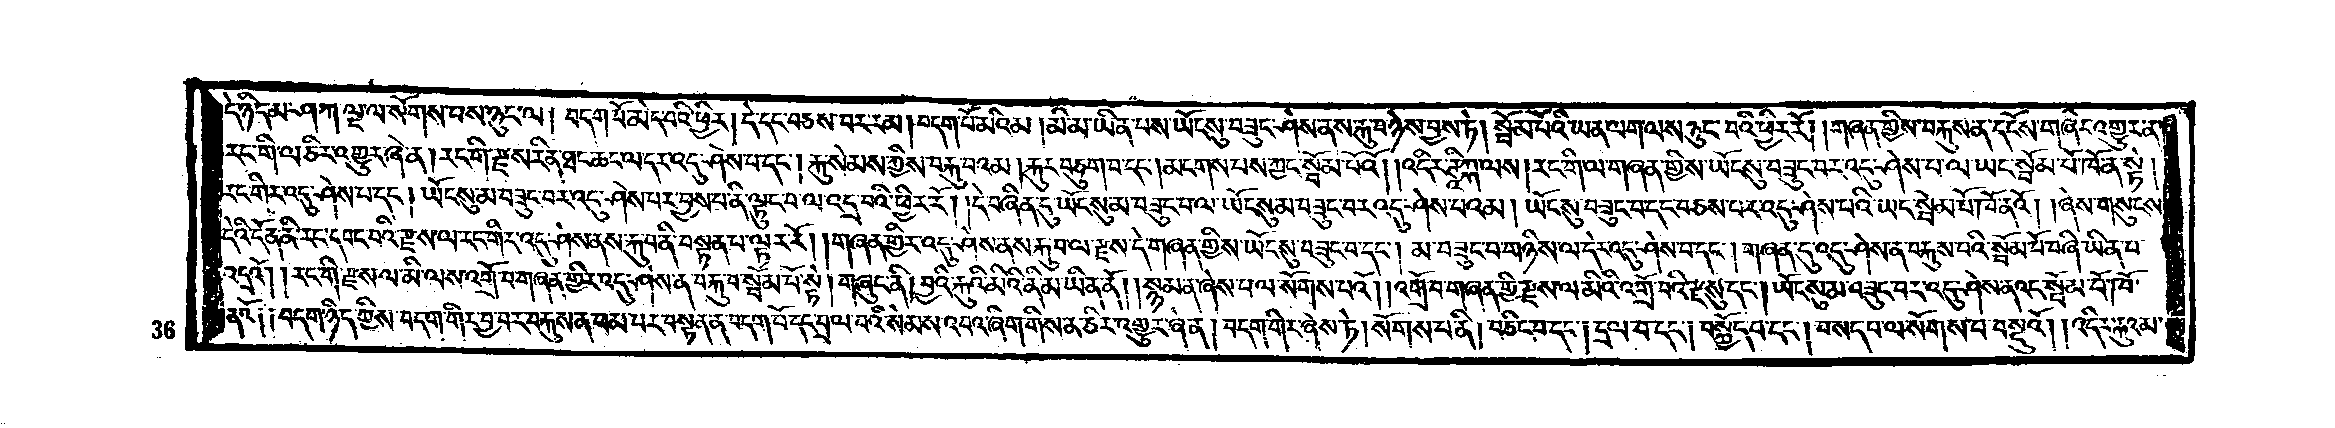དེ་ཉིད་མ་ཤ་ཀ་ལྔ་ལ་སོགས་པས་ཉུང་ལ། བདག་པོ་མེད་པའི་ཕྱིར། དེ་དང་བཅས་བར་རམ། བདག་པོ་མིའམ། མི་མ་ཡིན་པས་ཡོངས་སུ་བཟུང་ཤེས་ནས་རྐུ་བ་ཉེས་བྱས་ཏེ། སྦོམ་པོའི་ཡན་ལག་ལས་ཉུང་བའི་ཕྱིར་རོ། །གཞན་གྱིས་བརྐུས་ན་དངོས་གཞིར་འགྱུར་ན།
རང་གི་ལ་ཅིར་འགྱུར་ཞེ་ན། རང་གི་རྫས་རིན་ཐང་ཆང?་ལ་དར་འདུ་ཤེས་པ་དང་། རྐུ་སེམས་ཀྱིས་བརྐུ་བའམ། རྐུར་བཅུག་བ་དང་། མངགས་པས་ཀྱང་སྦོམ་པོའོ། །འདིར་ཊཱིཀྐ་ལས། རང་གི་ལ་གཞན་གྱིས་ཡོངས་སུ་བཟུང་བར་འདུ་ཤེས་པ་ལ་ཡང་སྦོམ་པོ་ཁོ་ན་སྟེ།
རང་གིར་འདུ་ཤེས་པ་དང་། ཡོངས་སུ་མ་བཟུང་བར་འདུ་ཤེས་པར་བྱས་པ་ནི་ལྟུང་བ་ལ་འདྲ་བའི་ཕྱིར་རོ། །དེ་བཞིན་དུ་ཡོངས་སུ་མ་བཟུང་བ་ལ་ཡོངས་སུ་མ་བཟུང་བར་འདུ་ཤེས་པའམ། ཡོངས་སུ་བཟུང་བ་དང་བཅས་པར་འདུ་ཤེས་པའི་ཡང་སྦོམ་པོ་ཁོ་ནའོ། །ཞེས་གསུངས་
དེའི་དོན་ནི་རང་དབང་བའི་རྫས་ལ་རང་གིར་འདུ་ཤེས་ནས་རྐུ་བ་ནི་བསྟན་པ་ལྟར་རོ། །གཞན་གྱིར་འདུ་ཤེས་ནས་རྐུ་བ་ལ་རྫས་དེ་གཞན་གྱིས་ཡོངས་སུ་བཟུང་བ་དང་། མ་བཟུང་བ་གཉིས་ལ་དེར་འདུ་ཤེས་པ་དང་། གཞན་དུ་འདུ་ཤེས་ན་བརྐུས་པའི་སྦོམ་པོ་བཞི་ཡིན་པ་
འདྲའོ། །རང་གི་རྫས་ལ་མི་ལས་འགྲོ་བ་གཞན་གྱིར་འདུ་ཤེས་ན་བརྐུ་བ་སྦོམ་པོ་སྟེ། གཞུང་ནི། བྱའི་རྐུའི་མིའི་ནི་མ་ཡིན་ནོ། །སྙམ་ན་ཞེས་པ་ལ་སོགས་པའོ། །འགྲོ་བ་གཞན་གྱི་རྫས་ལ་མིའི་འགྲོ་བའི་རྫས་སུ་དང་། ཡོངས་སུ་མ་བཟུང་བར་འདུ་ཤེས་ནའང་སྦོམ་པོ་ཁོ་
ནའོ། །བདག་ཉིད་ཀྱིས་བདག་གིར་བྱ་བར་བརྐུས་ན་ཕམ་པར་བསྟན་ན་བདག་པོ་དང་བྲལ་བའི་སེམས་འབའ་ཞིག་གིས་ན་ཅིར་འགྱུར་ཞེ་ན། བདག་གིར་ཞེས་ཏེ། སོགས་པ་ནི། བཅིང་པ་དང་། དྲལ་བ་དང་། བསྐྱོད་པ་དང་། བསད་པ་ལ་སོགས་པ་བསྡུའོ། །འདིར་རྐུའམ་